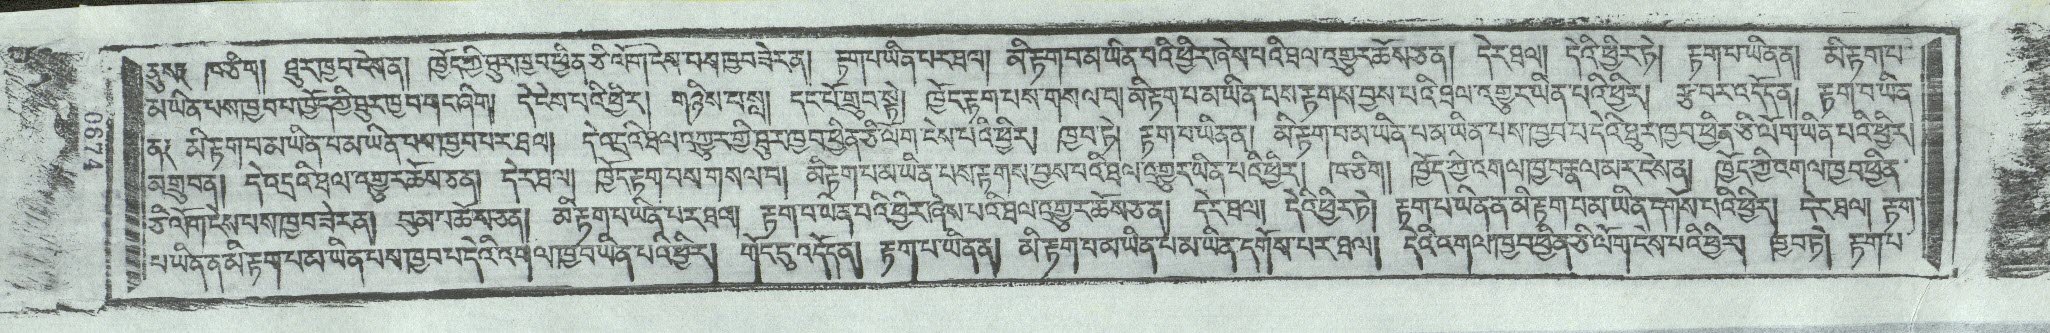ནུས༑ ཁ་ཅིག། ཐུར་ཁྱབ་ངེས་ན། ཁྱོད་ཀྱི་ཐུར་ཁྱབ་ཕྱིན་ཅི་ལོག་ངེས་པས་ཁྱབ་ཟེར་ན། རྟག་པ་ཡིན་པར་ཐལ། མི་རྟག་པ་མ་ཡིན་པའི་ཕྱིར་ཞེས་པའི་ཐལ་འགྱུར་ཆོས་ཅན། དེར་ཐལ། དེའི་ཕྱིར་ཏེ། རྟག་པ་ཡིན་ན། མི་རྟག་པ་
མ་ཡིན་པས་ཁྱབ་པ་ཁྱོད་ཀྱི་ཐུར་ཁྱབ་གང་ཞིག། དེ་ངེས་པའི་ཕྱིར། གཉིས་པ་སླ། དང་པོ་གྲུབ་སྟེ། ཁྱོད་རྟག་པས་གསལ་བ། མི་རྟག་པ་མ་ཡིན་པས་རྟགས་བྱས་པའི་ཐལ་འགྱུར་ཡིན་པའི་ཕྱིར། རྩ་བར་འདོད་ན། རྟག་བ་ཡིན་
ན༑ མི་རྟག་པ་མ་ཡིན་པ་མ་ཡིན་པས་ཁྱབ་བར་ཐལ། དེ་འདྲའི་ཐལ་འགྱུར་གྱི་ཐུར་ཁྱབ་ཕྱིན་ཅི་ལོག་ངེས་པའི་ཕྱིར། ཁྱབ་ཏེ། རྟག་པ་ཡིན་ན། མི་རྟག་པ་མ་ཡིན་པ་མ་ཡིན་པས་ཁྱབ་པ་དེའི་ཐུར་ཁྱབ་ཕྱིར་ཅི་ལོག་ཡིན་པའི་ཕྱིར།
མ་གྲུབ་ན། དེ་འདྲའི་ཐལ་འགྱུར་ཆོས་ཅན། དེར་ཐལ། ཁྱོད་རྟག་པས་གསལ་བ། མི་རྟག་པ་མ་ཡིན་པས་རྟགས་བྱས་པའི་ཐལ་འགྱུར་ཡིན་པའི་ཕྱིར། ཁ་ཅིག། ཁྱོད་ཀྱི་འགལ་ཁྱབ་རྣལ་མར་ངེས་ན། ཁྱོད་ཀྱི་འགལ་ཁྱབ་ཕྱིན་
ཅི་ལོག་ངེས་པས་ཁྱབ་ཟེར་ན། བུམ་པ་ཆོས་ཅན། མི་རྟག་པ་ཡིན་པར་ཐལ། རྟག་པ་ཡིན་པའི་ཕྱིར་ཞེས་པའི་ཐལ་འགྱུར་ཆོས་ཅན། དེར་ཐལ། དེའི་ཕྱིར་ཏེ། རྟག་པ་ཡིན་ན་མི་རྟག་པ་མ་ཡིན་དགོས་པའི་ཕྱིར། དེར་ཐལ། རྟག་
པ་ཡིན་ན་མི་རྟག་པ་མ་ཡིན་པས་ཁྱབ་པ་དེའི་འགལ་ཁྱབ་ཡིན་པའི་ཕྱིར། གོང་དུ་འདོད་ན། རྟག་པ་ཡིན་ན། མི་རྟག་པ་མ་ཡིན་པ་མ་ཡིན་དགོས་པར་ཐལ། དེའི་འགལ་ཁྱབ་ཕྱིན་ཅི་ལོག་ངེས་པའི་ཕྱིར། ཁྱབ་ཏེ། རྟག་པ་